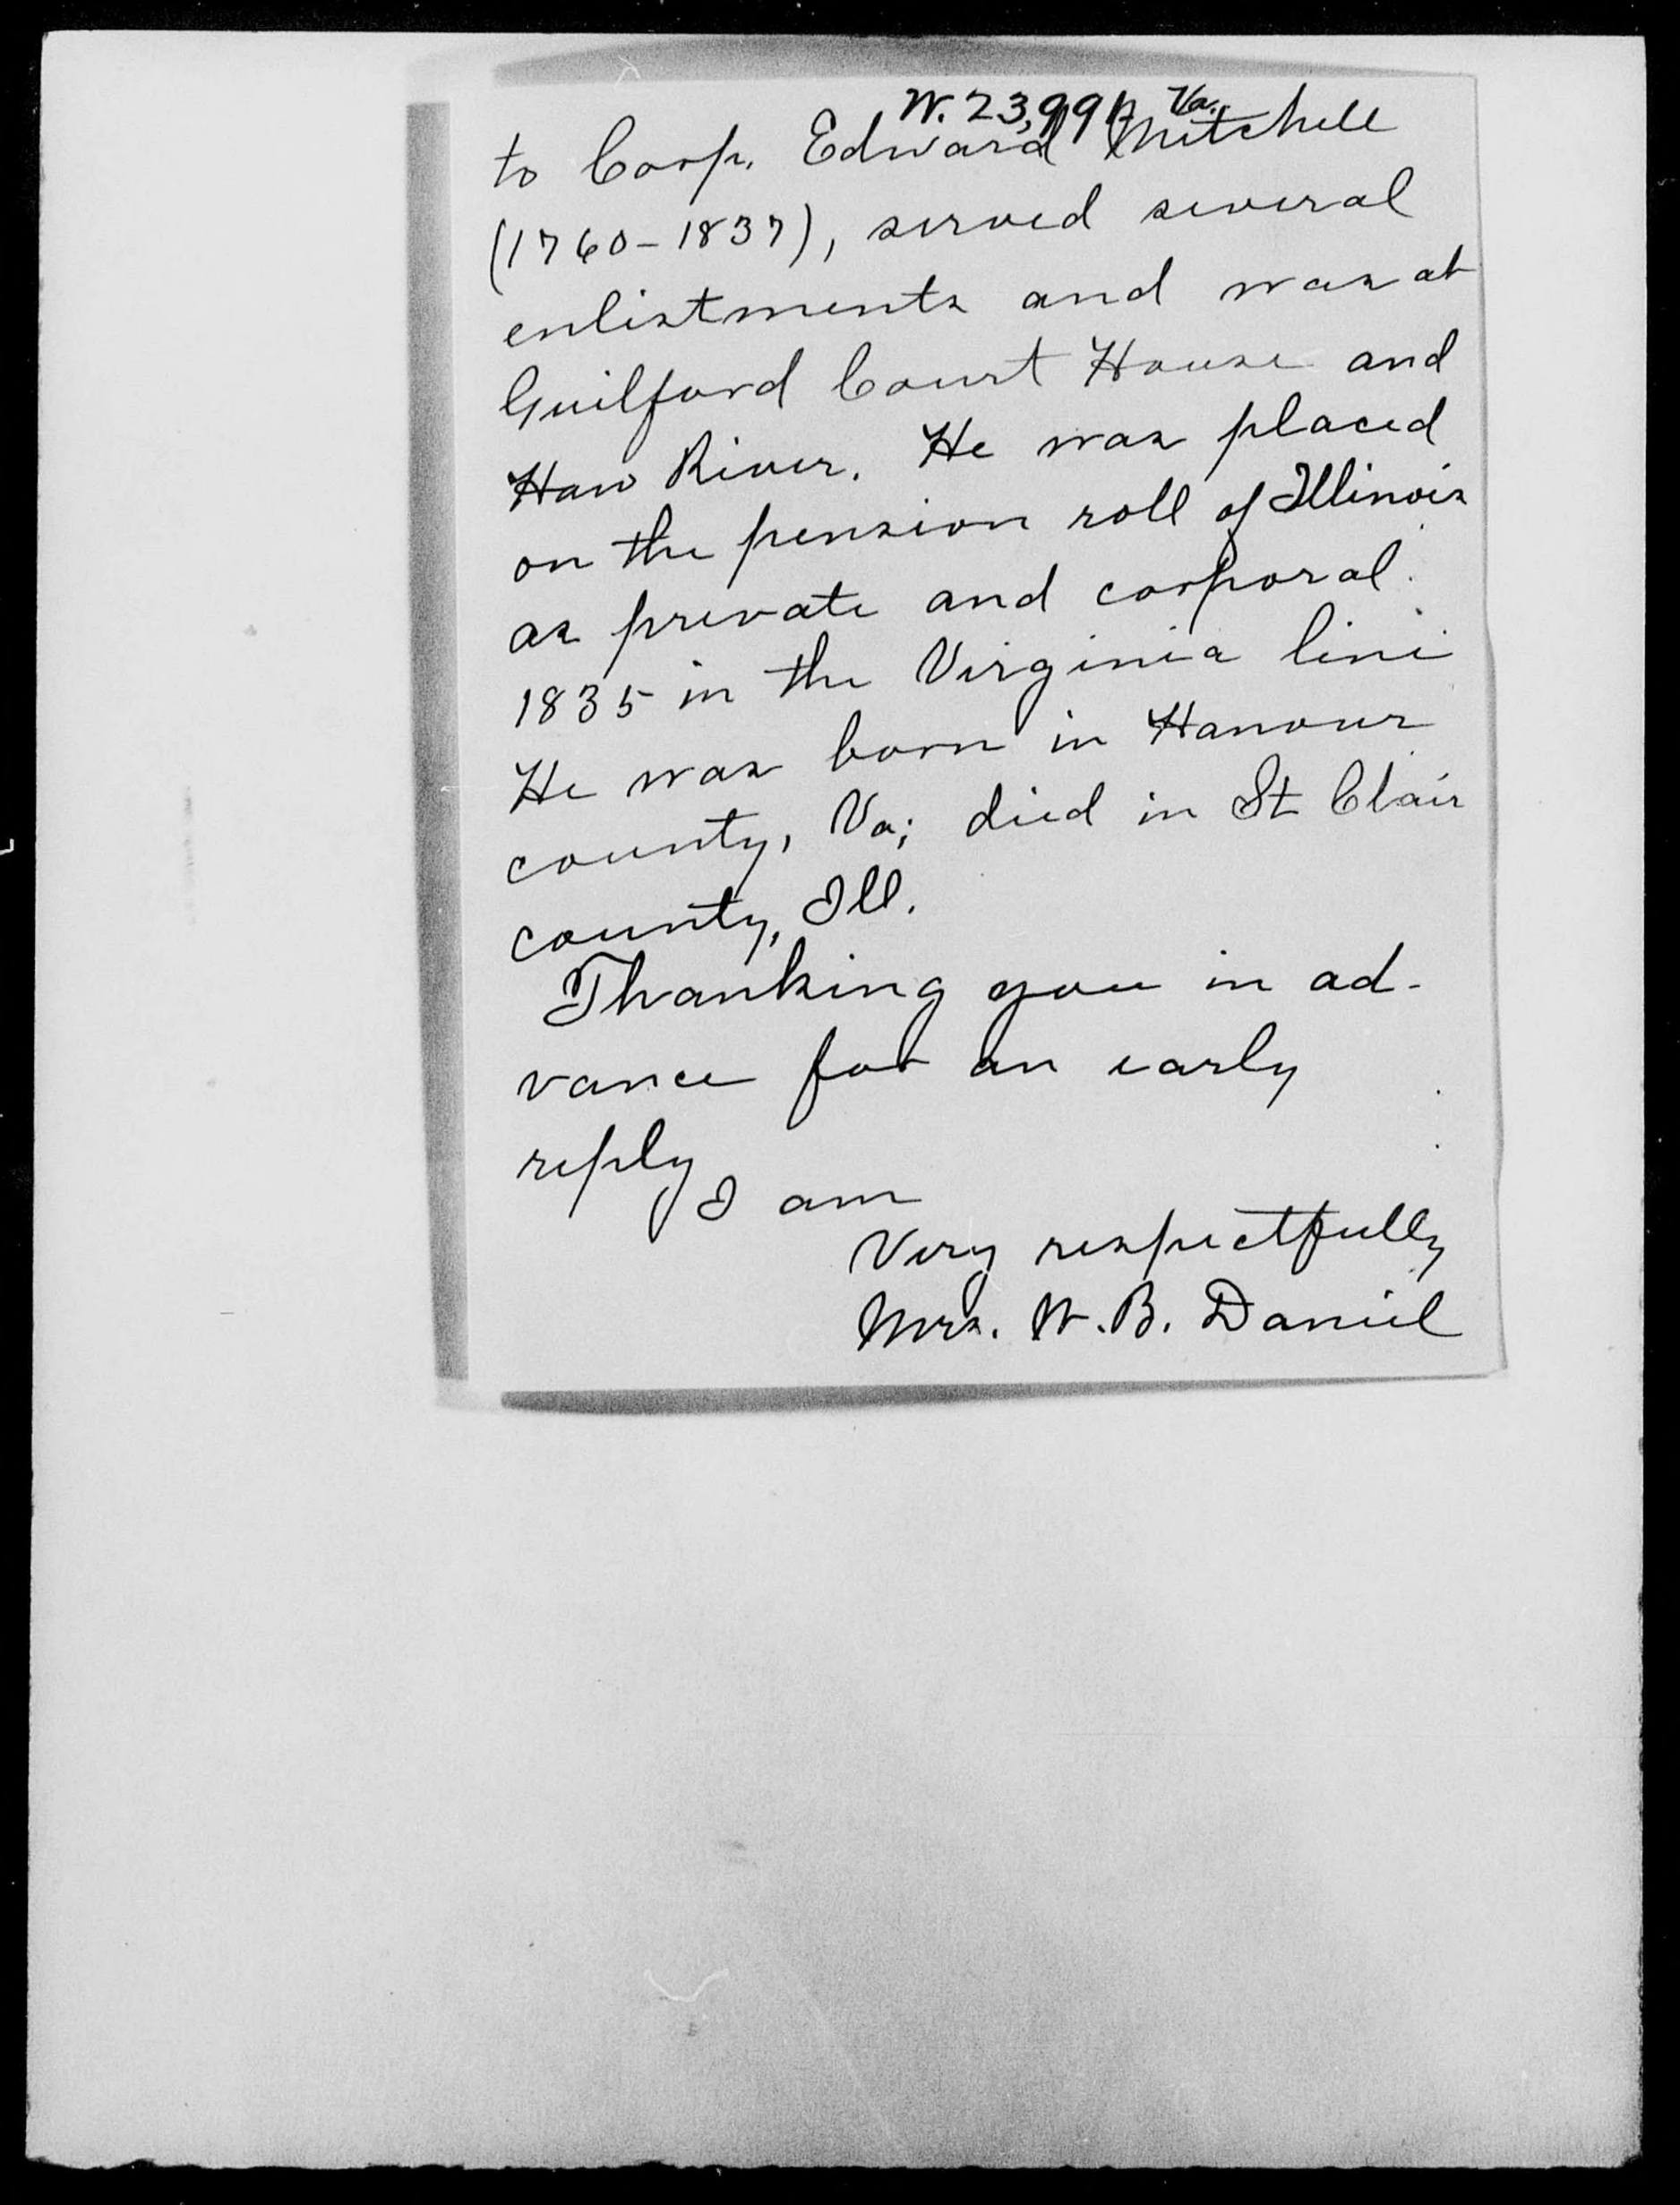to Corp. Edward Mitchell W23991 Va.
(1760- 1837), served several
enlistments and was at Guilford Court House and Haw River.
He was placed
on the pension roll of Illinois
as private and corporal
1835 in the Virginia line
He was born in Hanour County,
Va. died in St Clair County, Ill
Thanking you in adVance
for an early reply
Very respectfully
Mrs. W. B. Daniel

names: W B Daniel, Edward Mitchell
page: 51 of 85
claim: widow's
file: W. 5,906, John Brown, S.C.